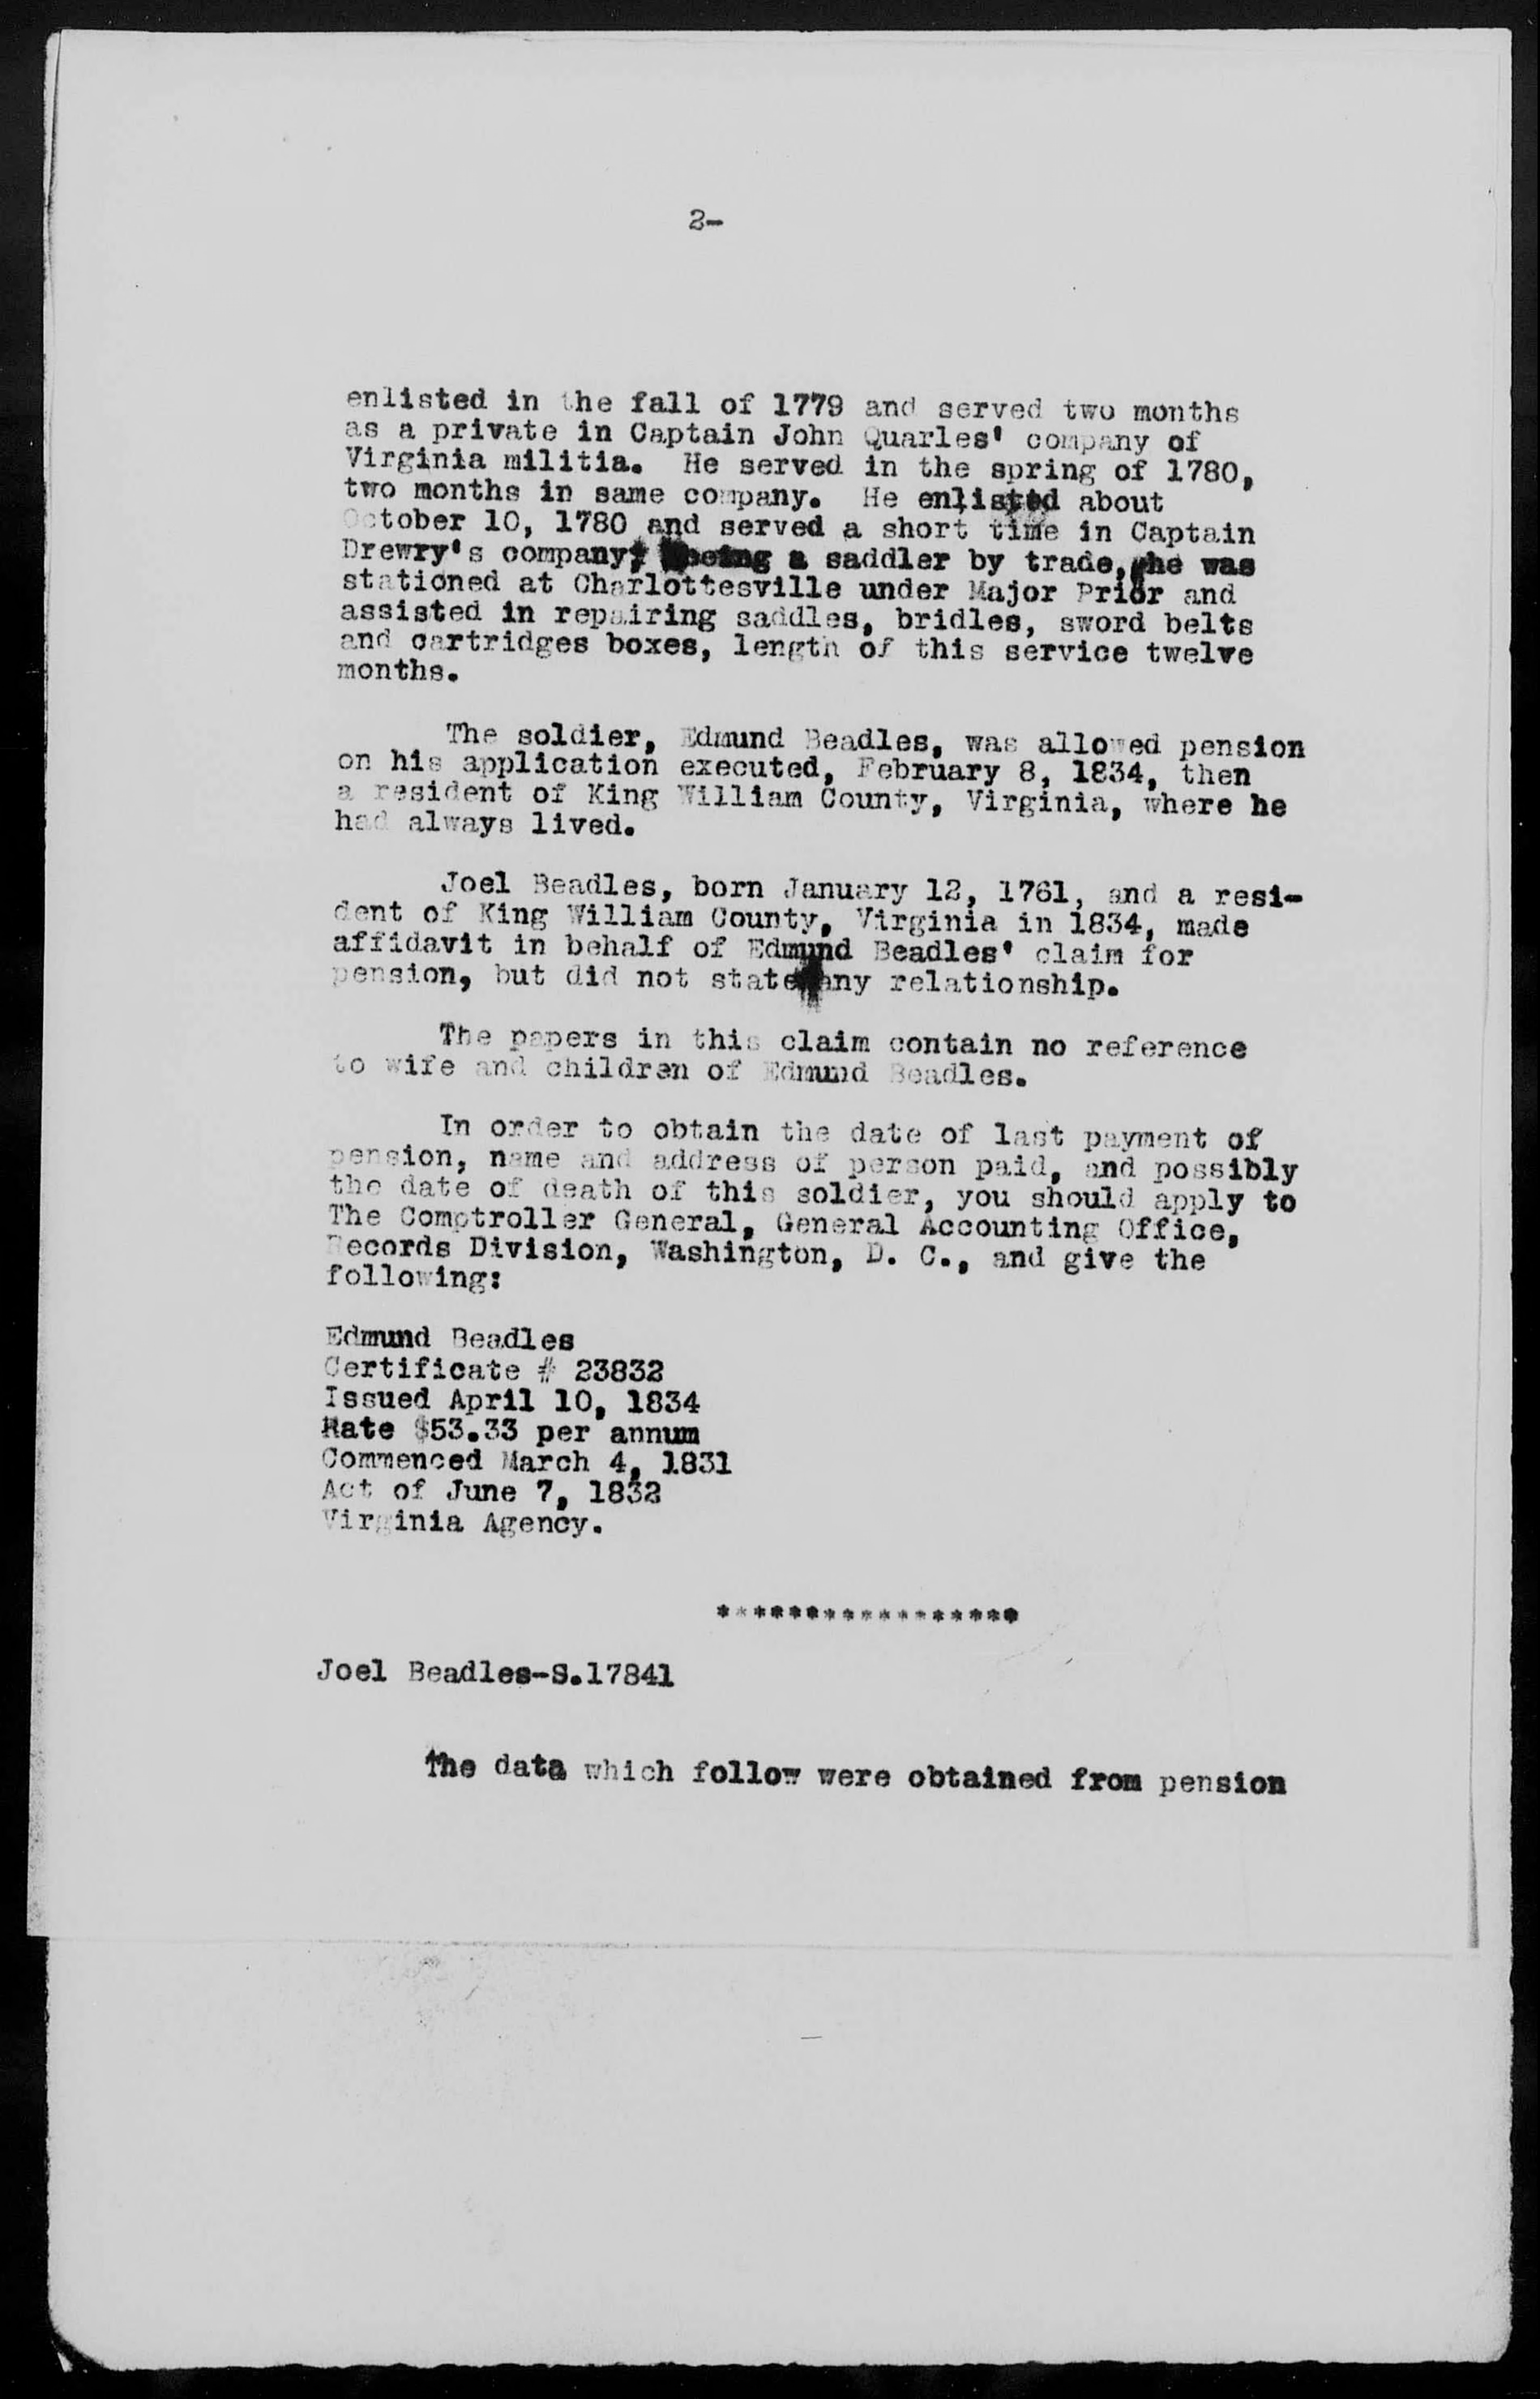enlisted in the fall of 1778 and served two months as a private in Captain John Quarles' copy of Virginia militia. He served in the spring of 1780, two months in same company. He enlisted about October 10, 1780 and served a short time in Captain Drewry's company as a saddler by trade. He was stated at Charlottesville under Major Prior and assisted in repairing saddles, bridles, sword belts and cartridge boes, length of this service twelve months.

The soldier, Edmund Beadles, was allowed psnion on his application executed, February 8, 1834, then a resident of King William County, Virginia, where he had always lived.

Joel Beadles, born January 12, 1761, and a residetn of King William County, Virginia in 1834, made affadavit in behalf of Edmund Beadles' claim for pension, but did not state any relationship.

The papers in this claim contain no reference to wife and children of Edmund Beadles.

In order to obtain the date of last payment of pension, name and address of perosn paid, and possible the date of death of this soldier, you should apply to The Comptroller General, General Accounting Office, Records Divisio, Washington, D. C. and give the following:

Edmund Beadles
Certificate # 23832
Issued April 10, 1834
Rate $53.33 per annum
Act of June 7, 1832
Virginia Agency.


Joel Beadles - S. 17841

The data which follows were obtained from pension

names: Edmund Beadles, Edmund Beadles, Joel Beadles, Edmund Beadles, Edmund Beadles, Joel Beadles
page: 8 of 13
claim: survivor's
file: S. 17841, Joel Beadles, Va.